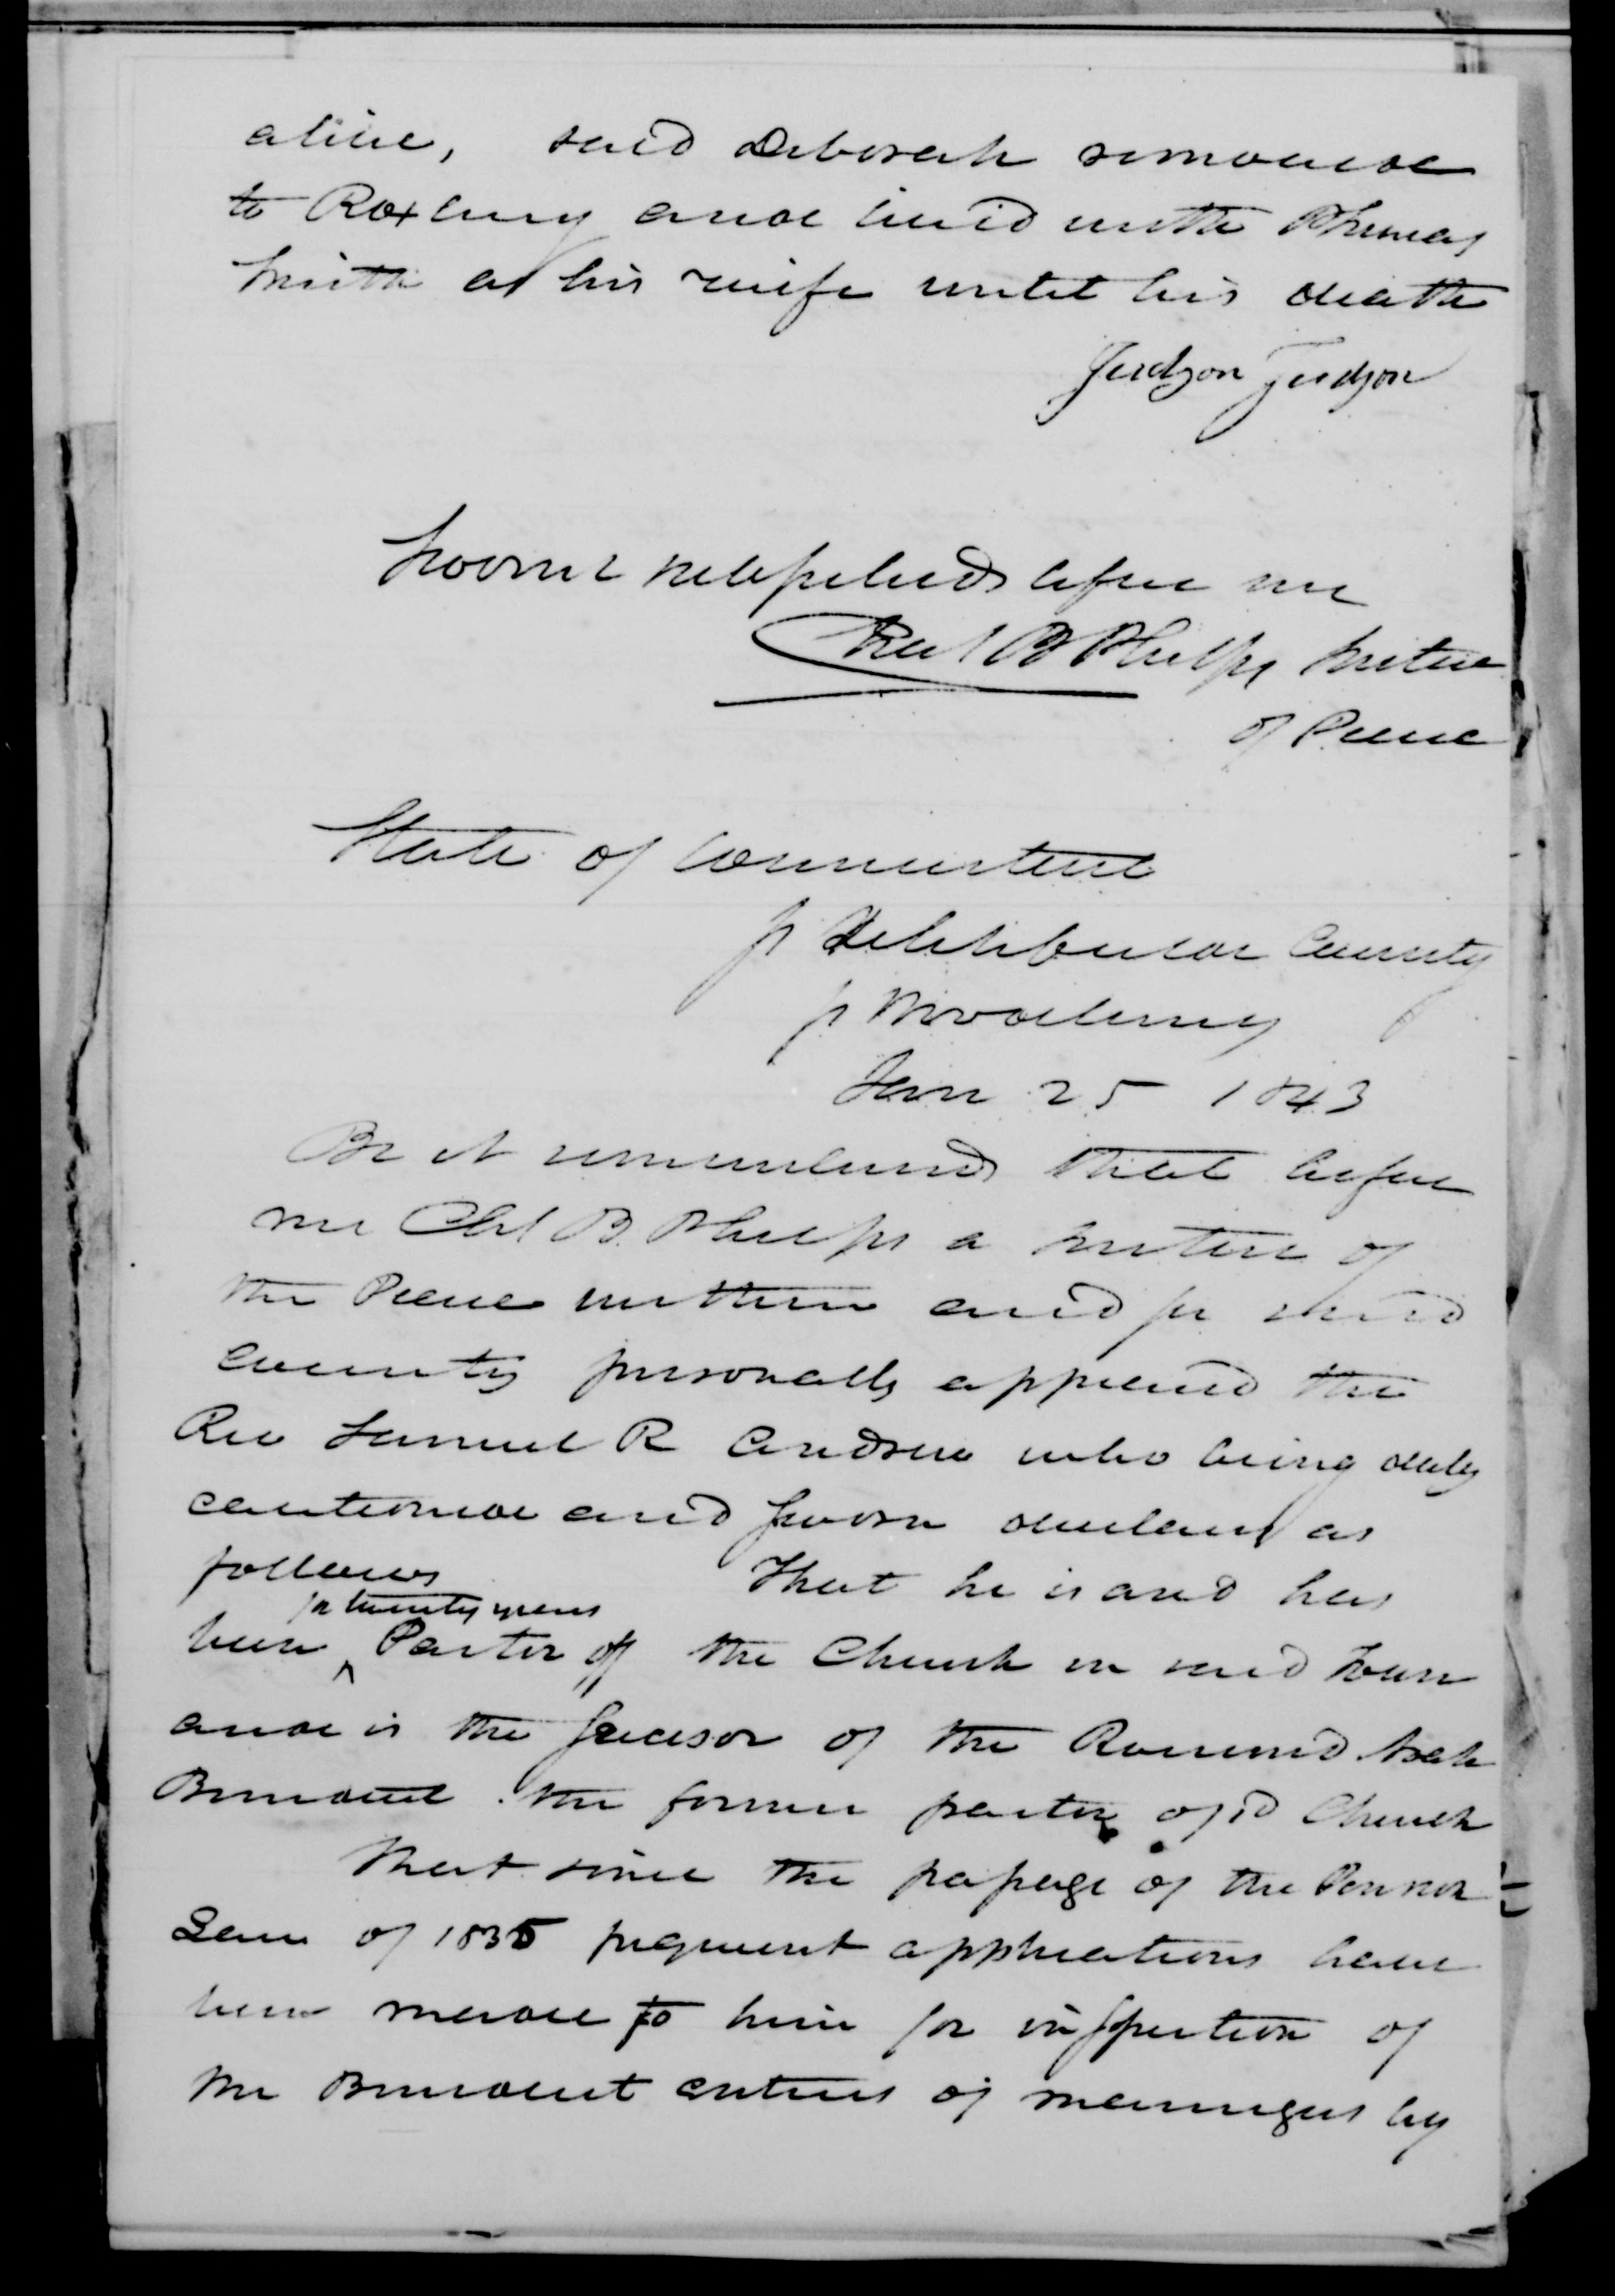alive, said Deborah removed to Roxbury and lived with Phinehas Smith as his wife until his death. 
Judson Judson  
Sworn & subscribed before me 
Chas B. Phelps Justice of Peace
State of Connecticut ss Litchfield County ss Woodbury  
Jan 25 1843 
Be it remembered that before me Chas B. Phelps a Justice of Peace within and for said county personally appeared the Rev Samuel R Andrew who being duly cautioned and sworn declares as follows.  That he is and has been in twenty years Pastor of the Church in said Town and is the successor of the Reverend Noah Benedict the former pastor of said Church.   
That since the passage of the Pension Law of 1835 frequent applications have him made to him for inspection of Mr Benedict entries of marriages by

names: Chs B Phelps; Phineas Smith; Judson Judson; Samuel R Andrew; Deborah [BLANK]; [BLANK] Benedict; Chas B Phelps; Noah Benedict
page: 17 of 55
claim: widow's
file: W. 11480, for Phinehas Smith, Connecticut